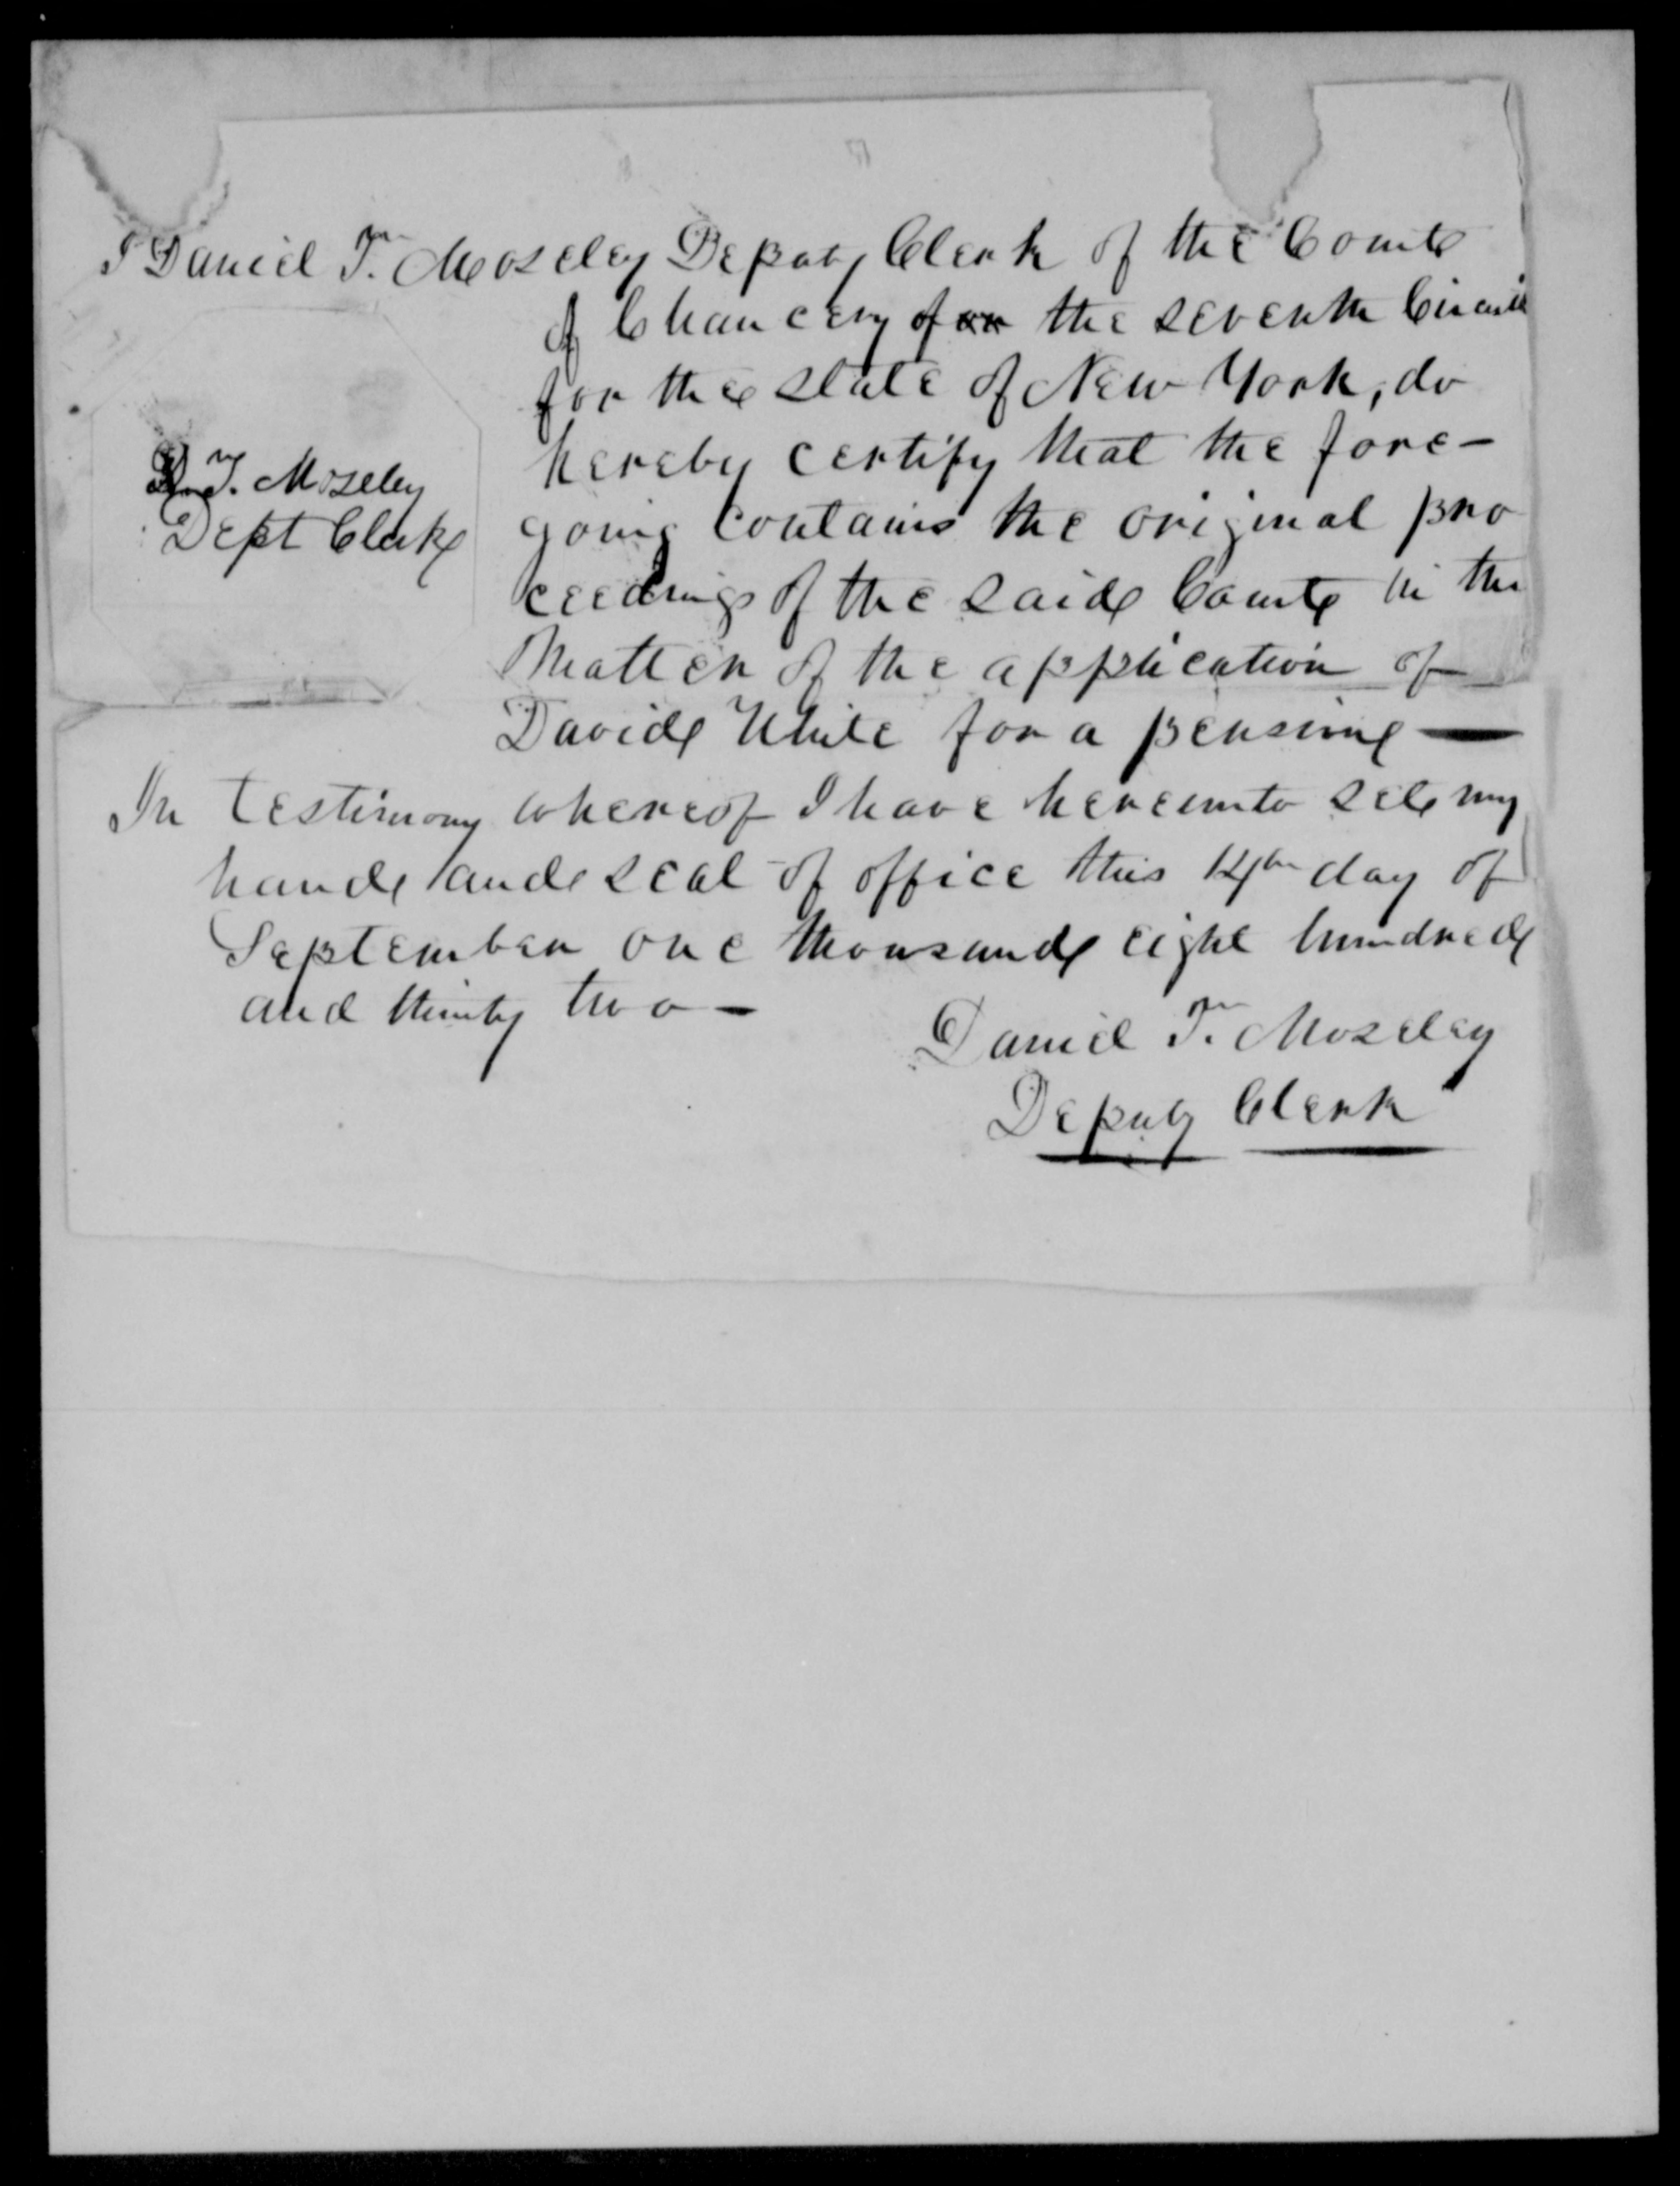I Daniel T. Moseley Deputy Clerk of the Court of Chancery of the seventh Circuit for the State of New York, do hereby certify that the foregoing contains the original proceedings of the said Court in the Matter of the application of David White for a pension--whereof I have hereunto sign my and seal of office this 14th day of September one thousand eight hundred and thirty two--

Daniel T. Moseley
Deputy Clerk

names: D T Moseley, David White, Daniel T Moseley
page: 9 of 63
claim: widow's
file: W. 18403, David White, Conn.